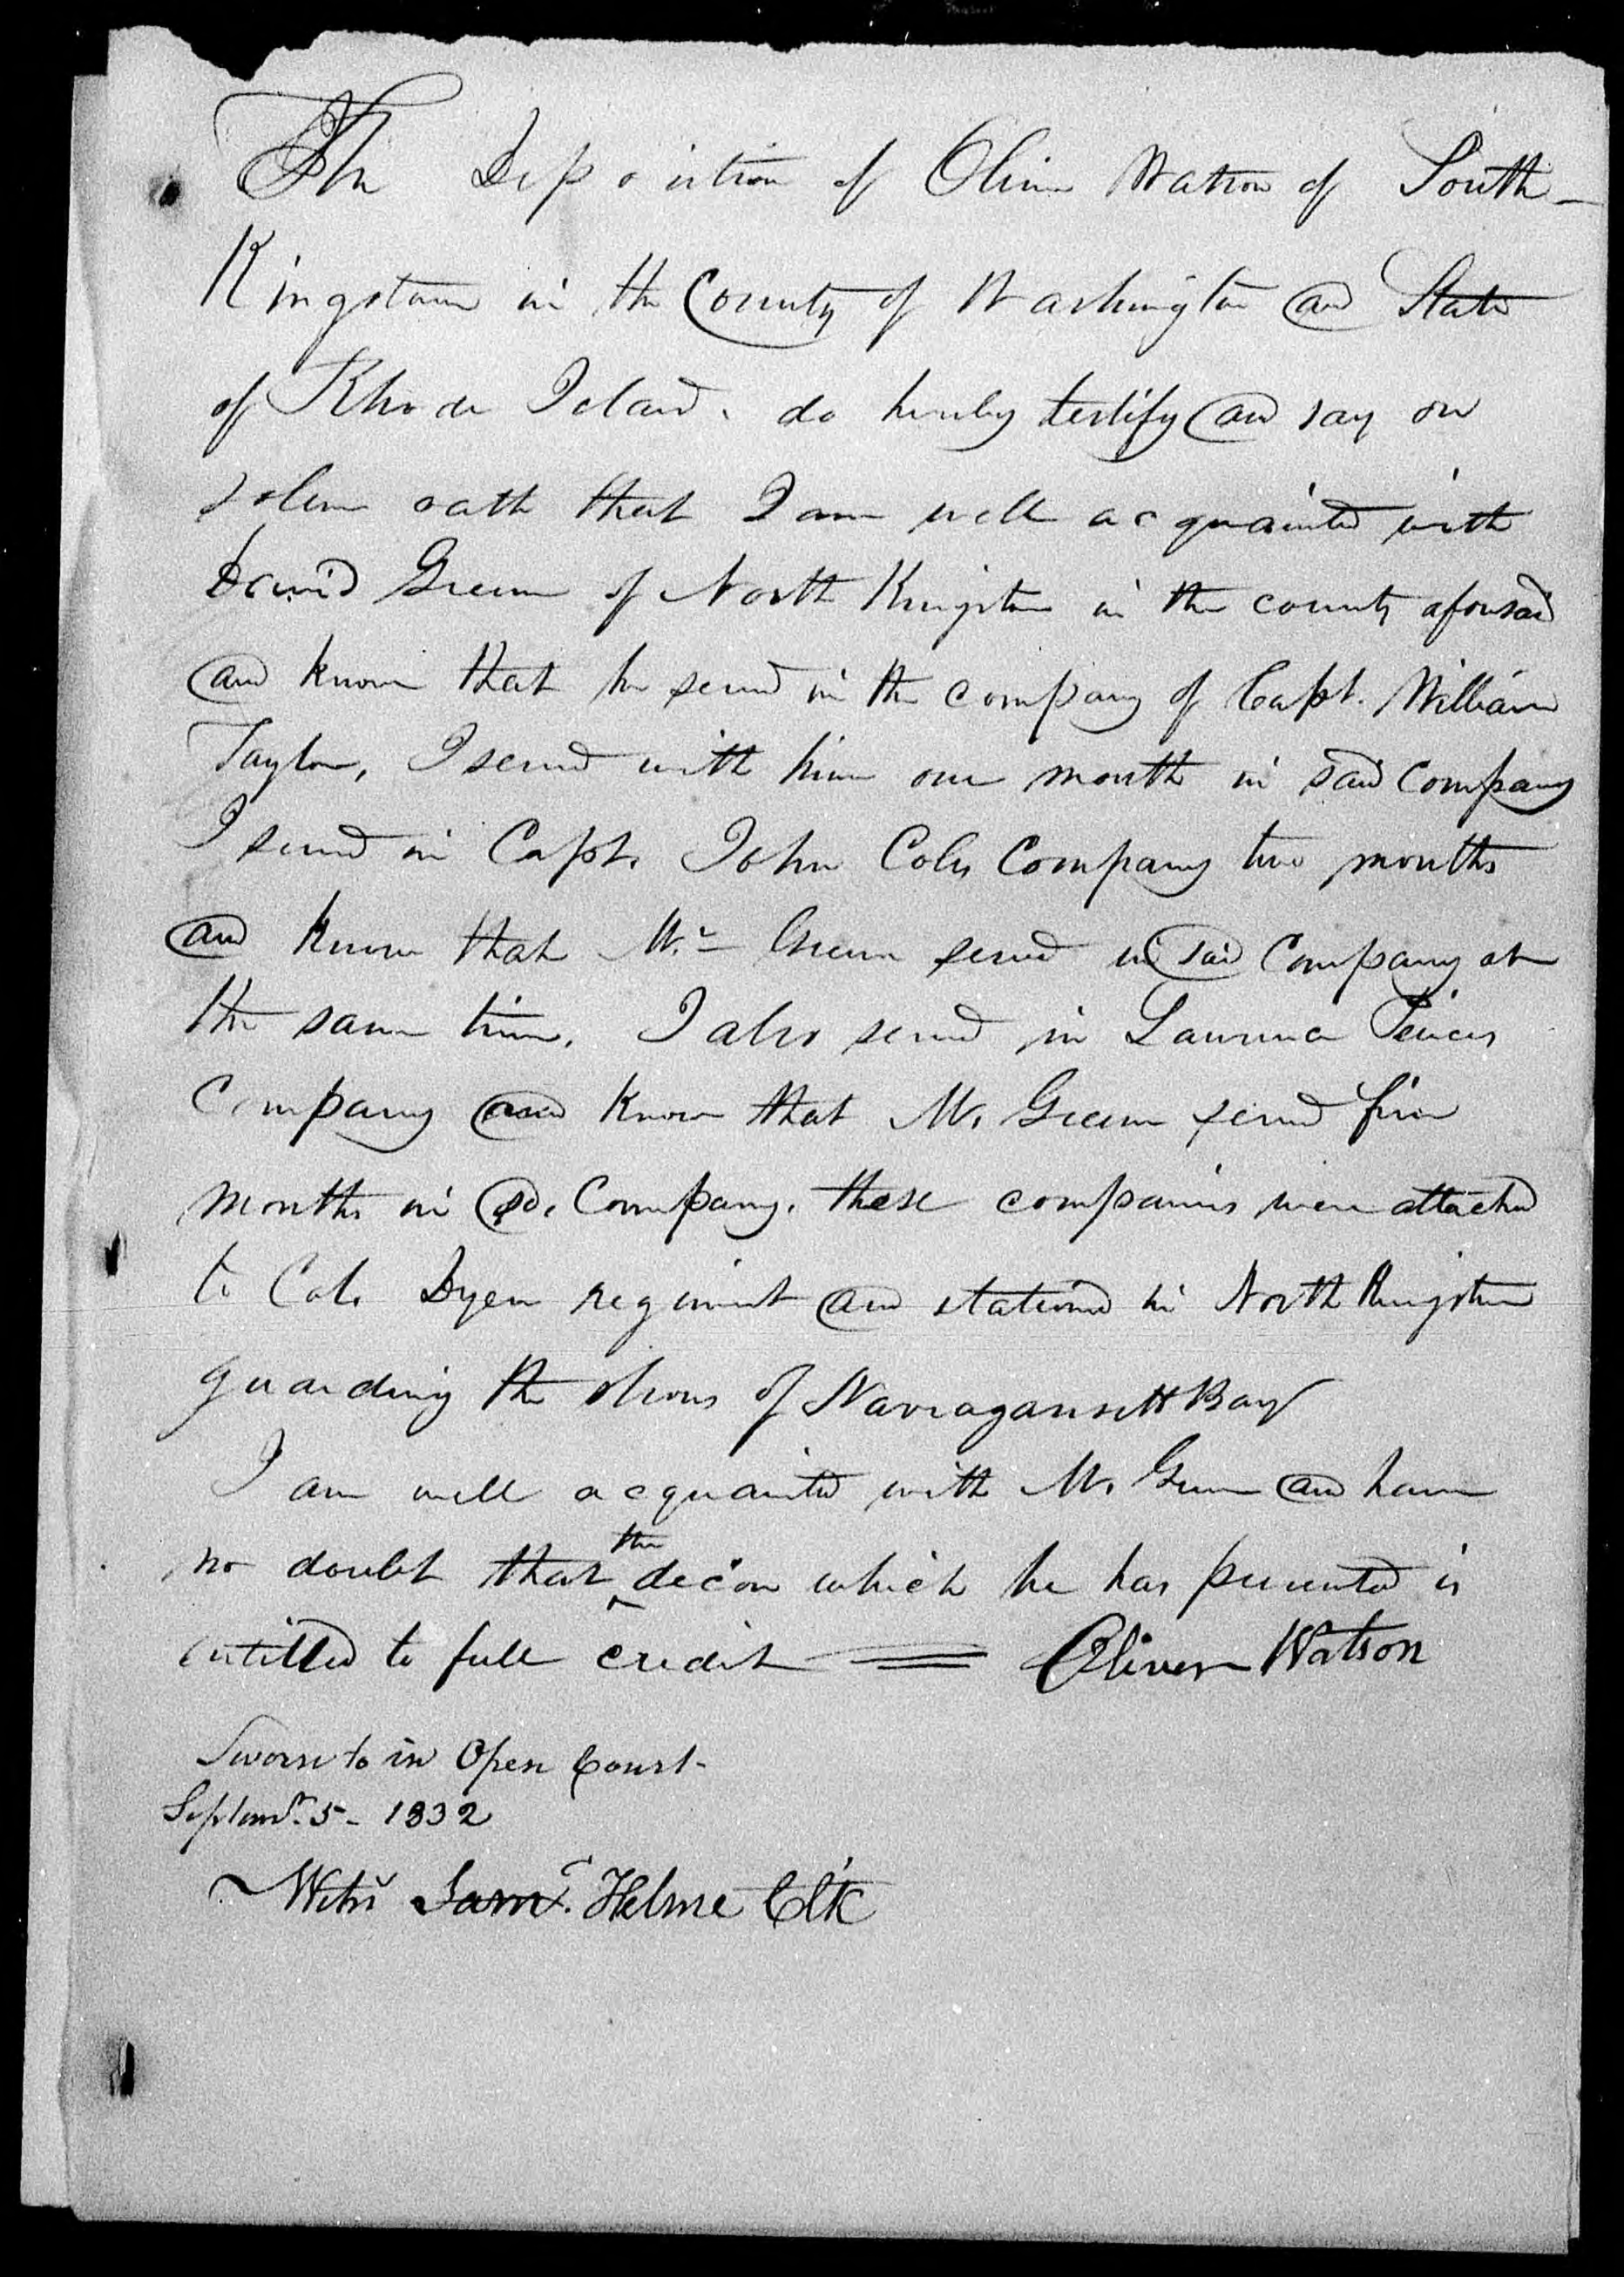The deposition of Oliver Watson of South Kingstown in the County of Washington and the State of Rhode Island, do hereby testify and say on solemn oath that I am well acquainted with David Greene of North Kingstown in the County aforesaid and know that he served in the Company of Capt. William Taylor, I served with him one month in said company I served in Capt. John [illegible] Company two months and know that Mr. Greene served in said Company at the same time. I also served in [illegible] company and know that Mr. Greene served for months in said company, these companies were attached to Col. Dyer's regiment and stationed in North Kingstown guarding the shores of Narragansett Bay
I am well acquainted with Mr. Greene and have no doubt that the [illegible] which he has presented is entitled to full credit - [signed] Oliver Watson [/signed] 

Sworn to in Open Court
September 5. 1832
Witn [/signed] Sam Helme [/signed] Clk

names: Greem, Greem, Oliver Watson, Green, Sam Helme, William Taylor, David Greem, Oliver Watson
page: 7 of 27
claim: survivor's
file: S. 21,245, David Greene, R.I.